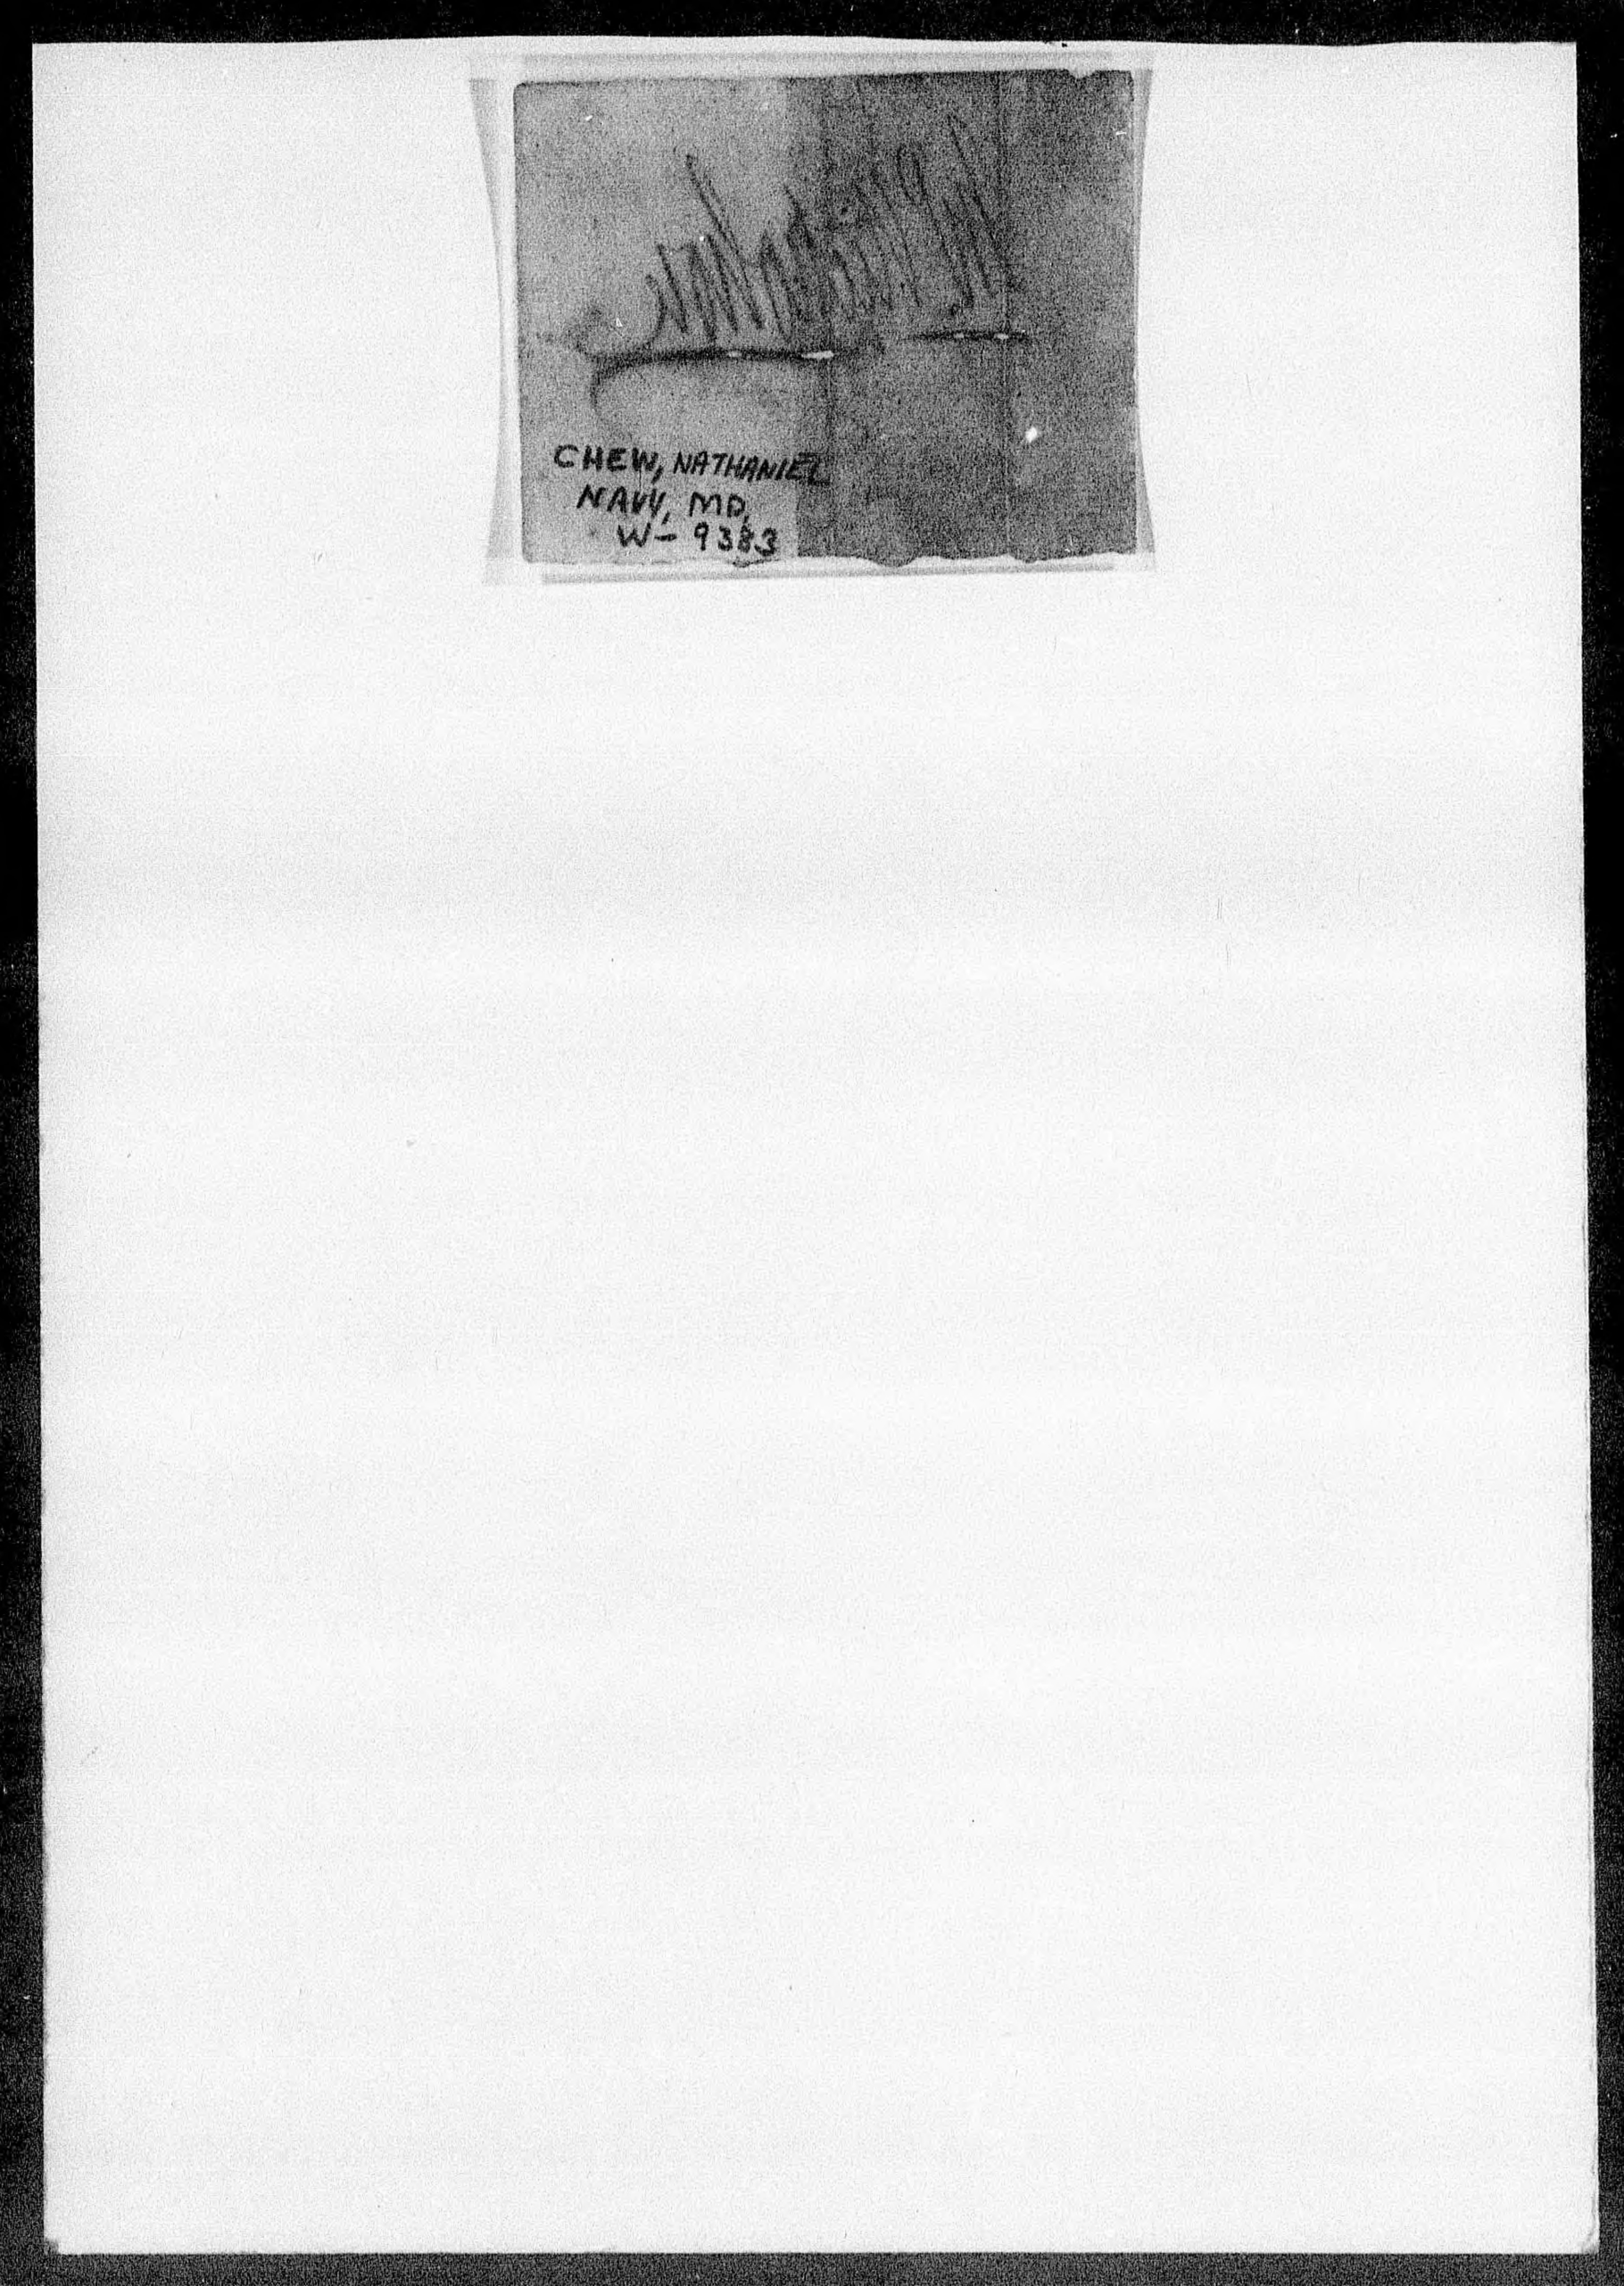Jno. Nicholson
_____________

CHEW, NATHANIEL
NAVY, MD
W-9383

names: Nathaniel Chew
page: 30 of 59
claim: widow's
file: W. 9383, Nathaniel Chew, Navy (Md.)